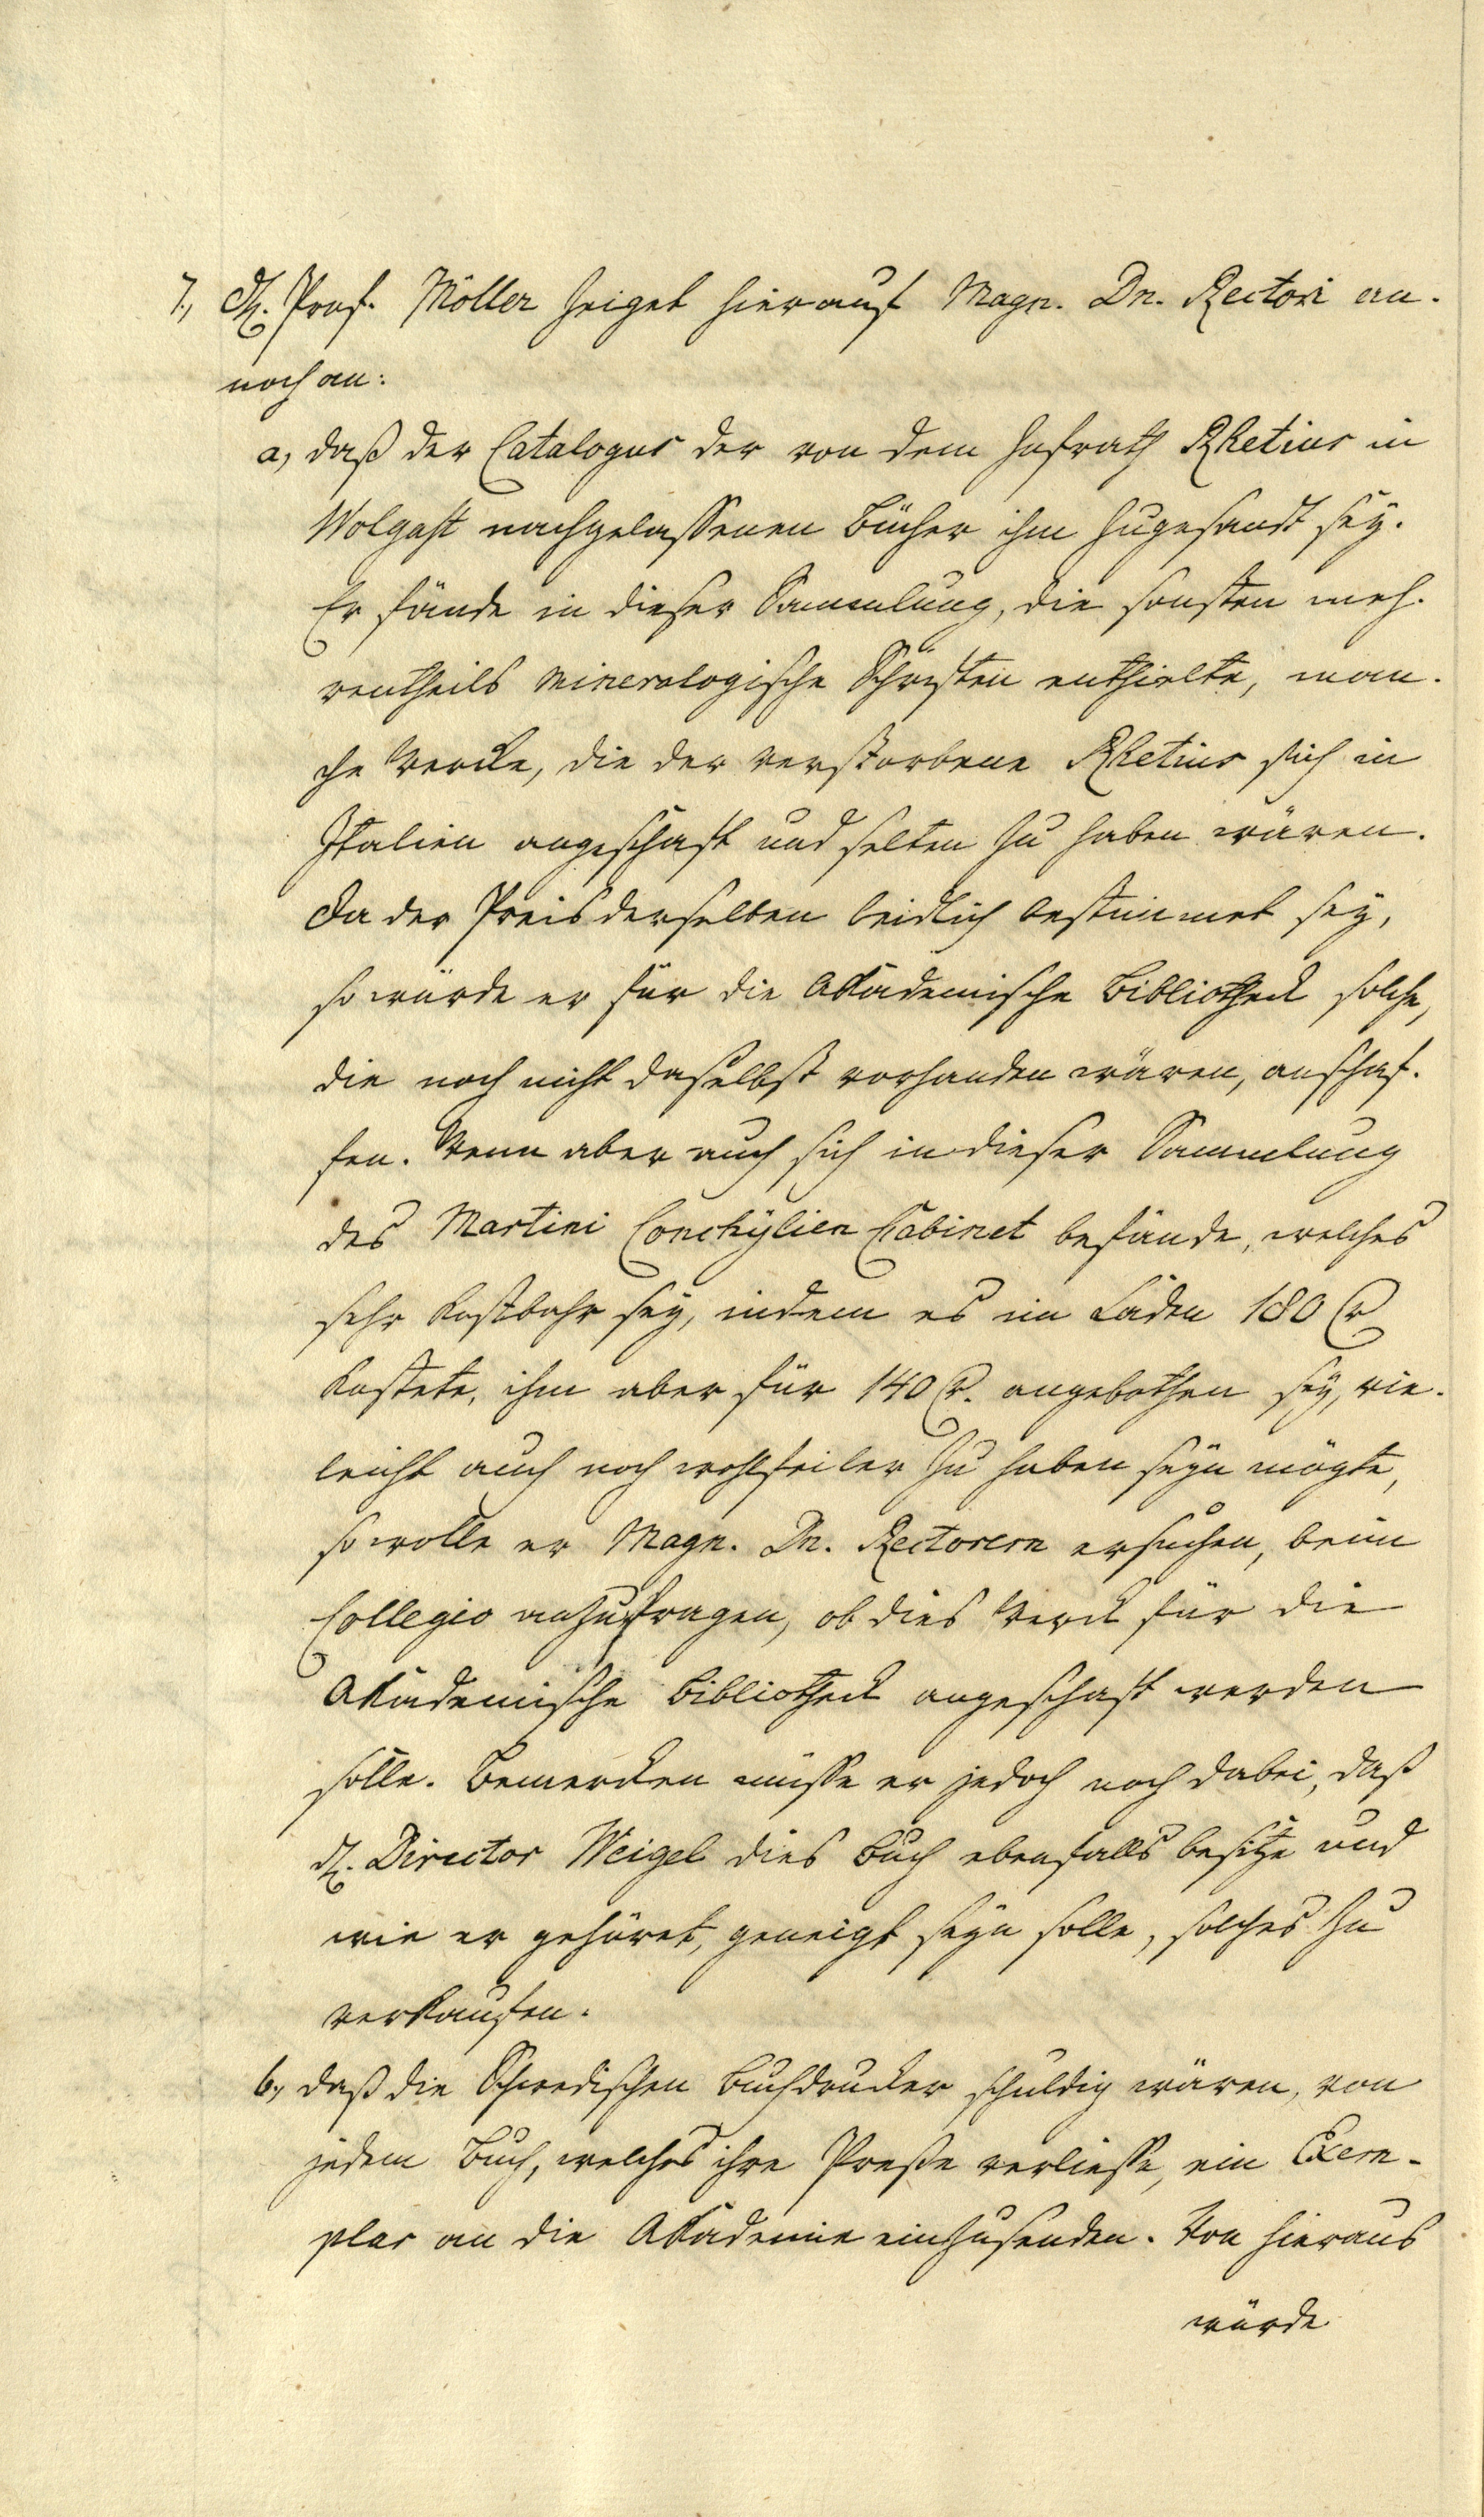7. d.h. Prof. Möller zeiget hierauf Magn. Dn. Rectori an-
noch an:
a) daß der Catalogus der von dem hofrath Rhetius in
Wolgast nachgelassenen Bücher ihm zugesandt sey.
Er fände in dieser Sammlung, die sonsten meh-
rentheils mineralogische Schriften enthielte, man-
che Werke, die der verstorbene Rhetius sich in
Italien angeschaft und selten zu haben wären.
Da der Preis derselben leidlich bestimmet sey,
so würde er für die Akademische Bibliothek solche,
die noch nicht daselbst vorhanden wären, anschaf-
fen. Wenn aber auch sich in dieser Sammlung
des Martini Conchylien Cabinet befände, welches
sehr kostbahr sey, indem es im Laden 180 rtl.
kostete, ihm aber für 140 rtl. angebothen sey, vie-
leicht auch noch wohlfeiler zu haben seyn mögte,
so wolle er Magn. Dn. Rectorem ersuchen, beim
Collegio nachzufragen, ob dies Werck für die
Akademische Bibliothek angeschaft werden
solle. Bemerken müsser er jedoch noch dabei, daß
d.h. Director Weigel dies Buch ebenfalls besitze und
wie er gehöret, geneigt seyn solle, solches zu
verkaufen.
b., daß die Schwedischen Buchdrucker schuldig wären, von
jedem Buch, welches ihre Presse verliesse, ein Exem-
plar an die Akademie einzusenden. Von hieraus
würde